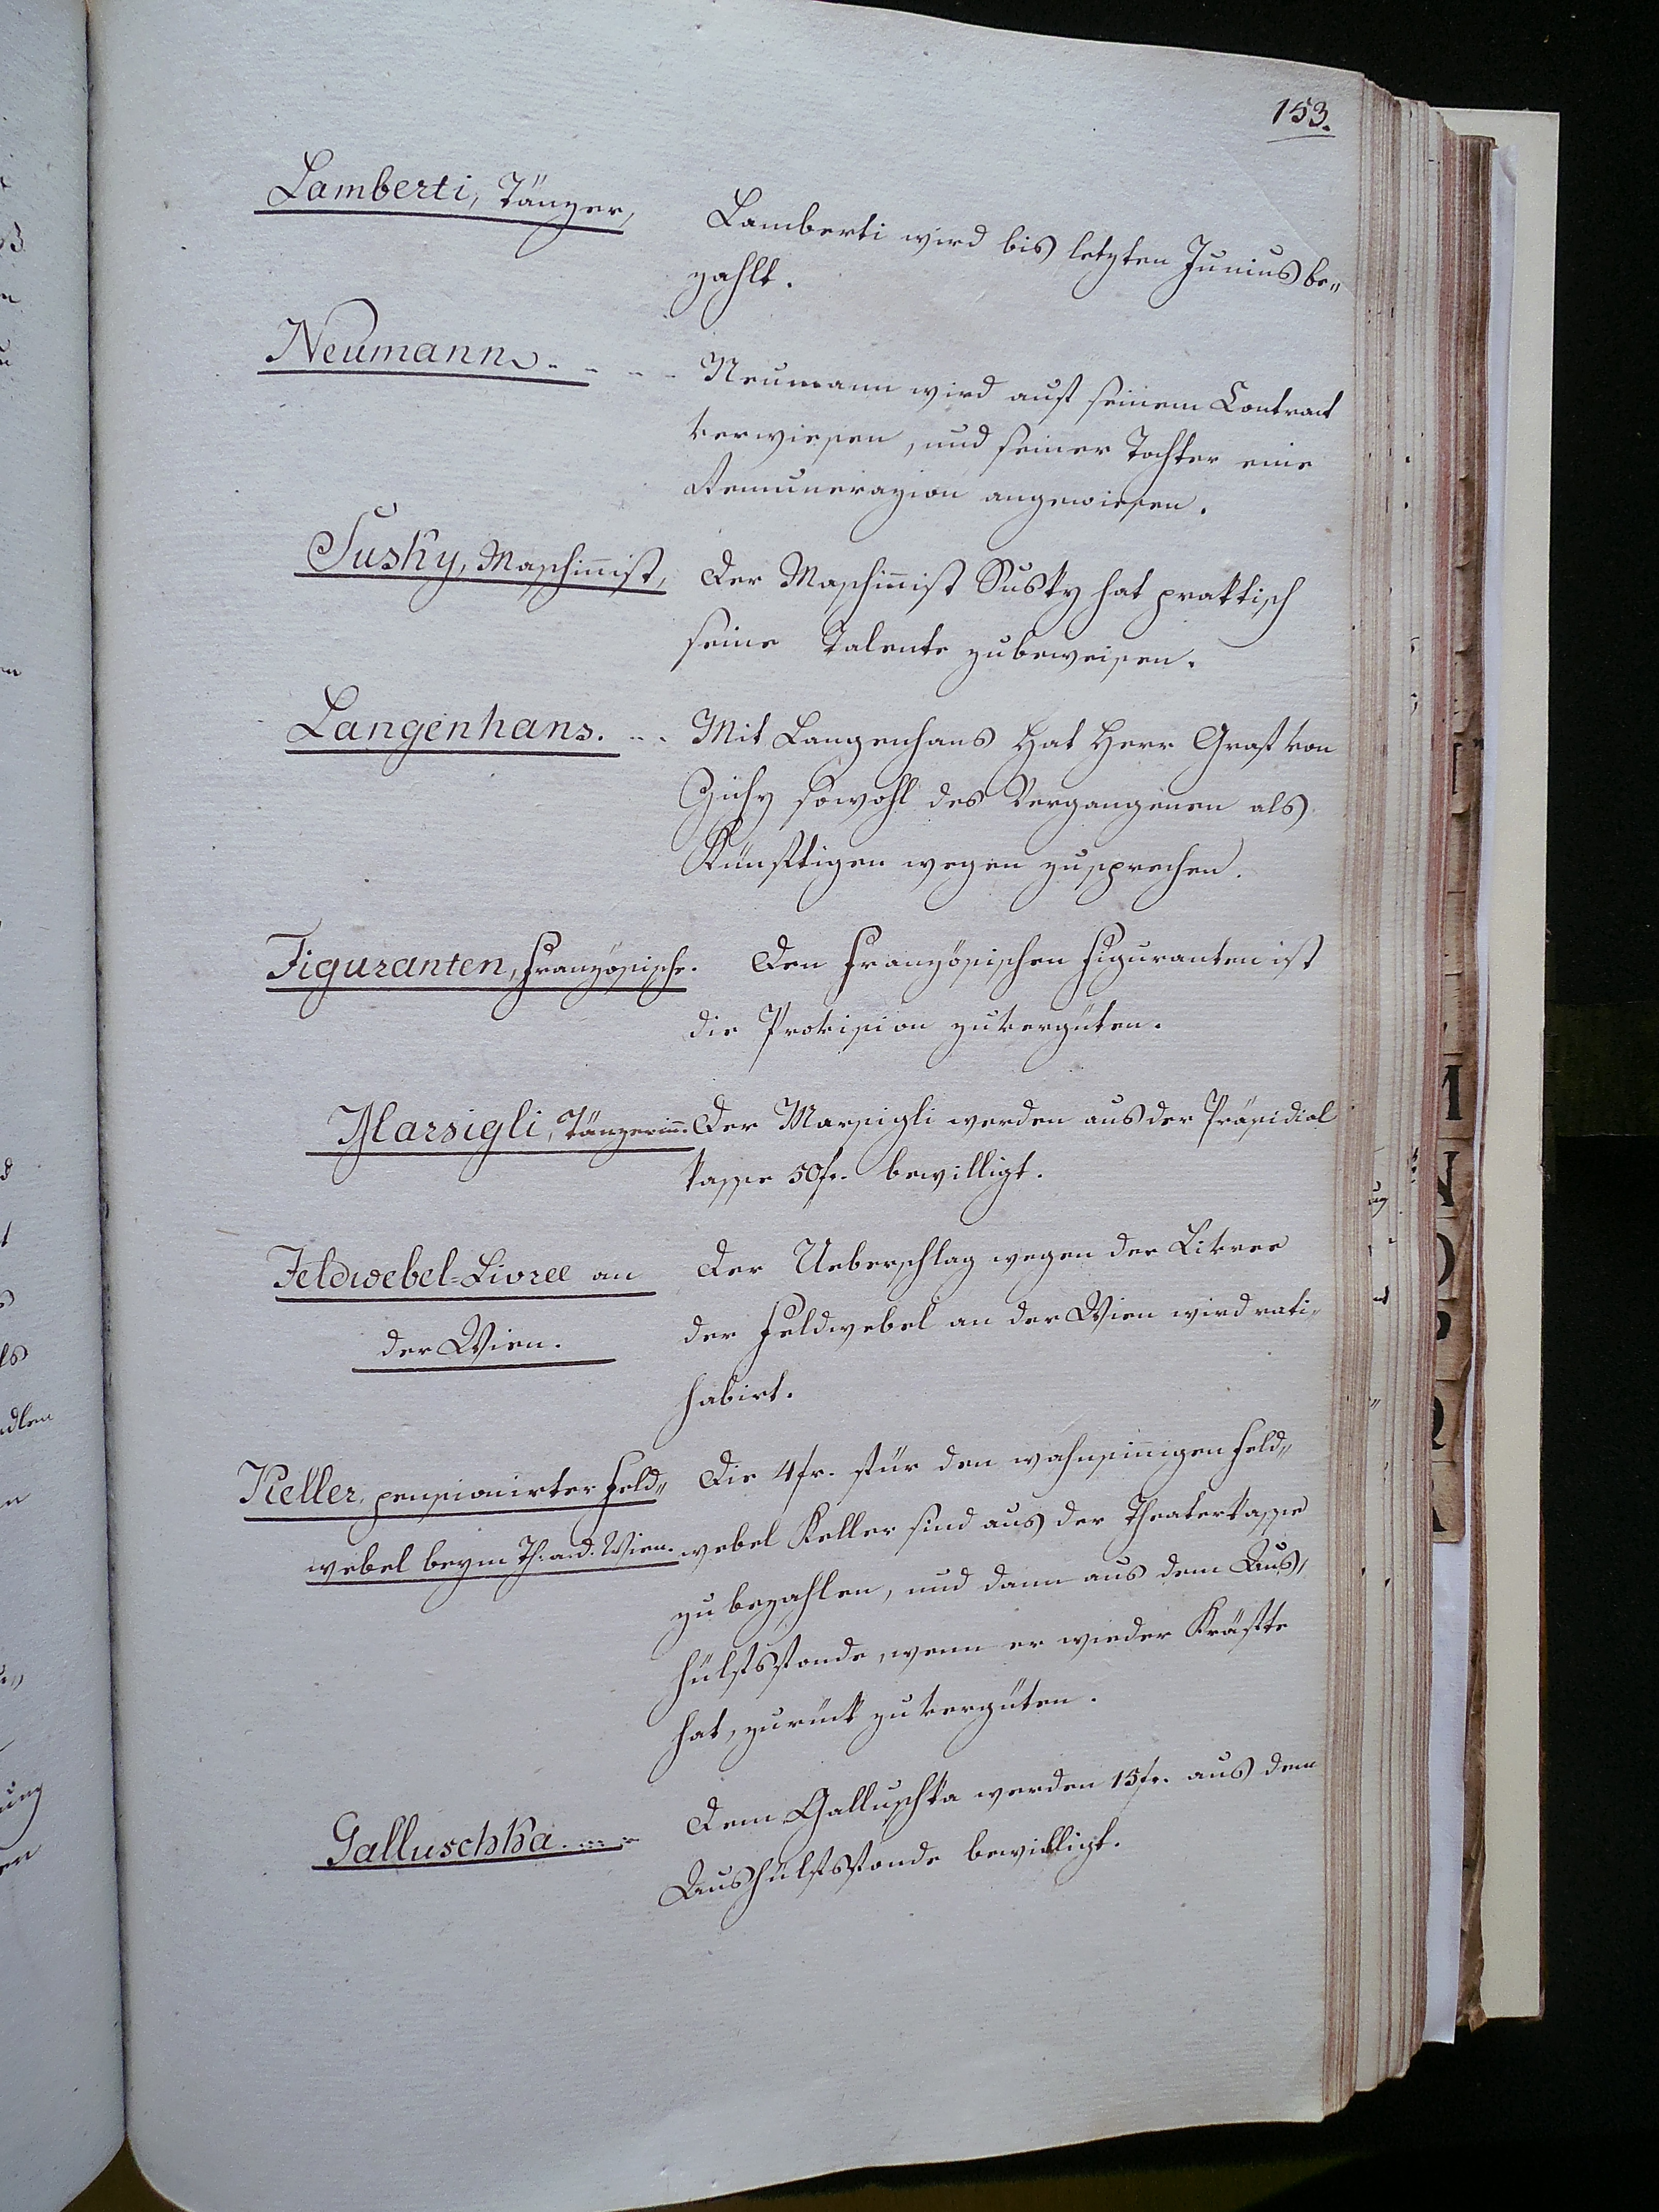153.
Lamberti, Tänzer, Lamberti wird bis letzten Junius be¬
zahlt.
Neumann .. .. .. .. Neumann wird auf seinem Contract
verwiesen, und seiner Tochter eine
Remunerazion angewiesen.
Susky, Maschinist, Der Maschinist Susky hat praktisch
seine Talente zubeweisen.
Langenhans. .. . Mit Langenhans Hat Herr Graf von
Zichy sowohl des Vergangenen als
Künftigen wegen zusprechen.
Figuranten, Französische. Den Französischen Figuranten ist
die Provision zuvergüten.
Marsigli, Tänzerin̅. Der Marsigli werden aus der Präsidial
Kasse 50fr. bewilligt.
Feldwebel=Livree an
der Wien.
Der Ueberschlag wegen der Livree
der Feldwebel an der Wien wird rati¬
habirt.
Keller, pensionirter Feld¬
webel beym Th: a.d. Wien.
Die 4fr. für den wahnsin̅igen Feld¬
webel Keller sind aus der Theaterkase
zu bezahlen, und dann aus dem Aus¬
hülfsfonde, wenn er wieder Kräfte
hat, zurück zu vergüten.
Galluschka. ... .. Dem Galluschka werden 15fr. aus dem
Aushülfsfonde bewilligt.